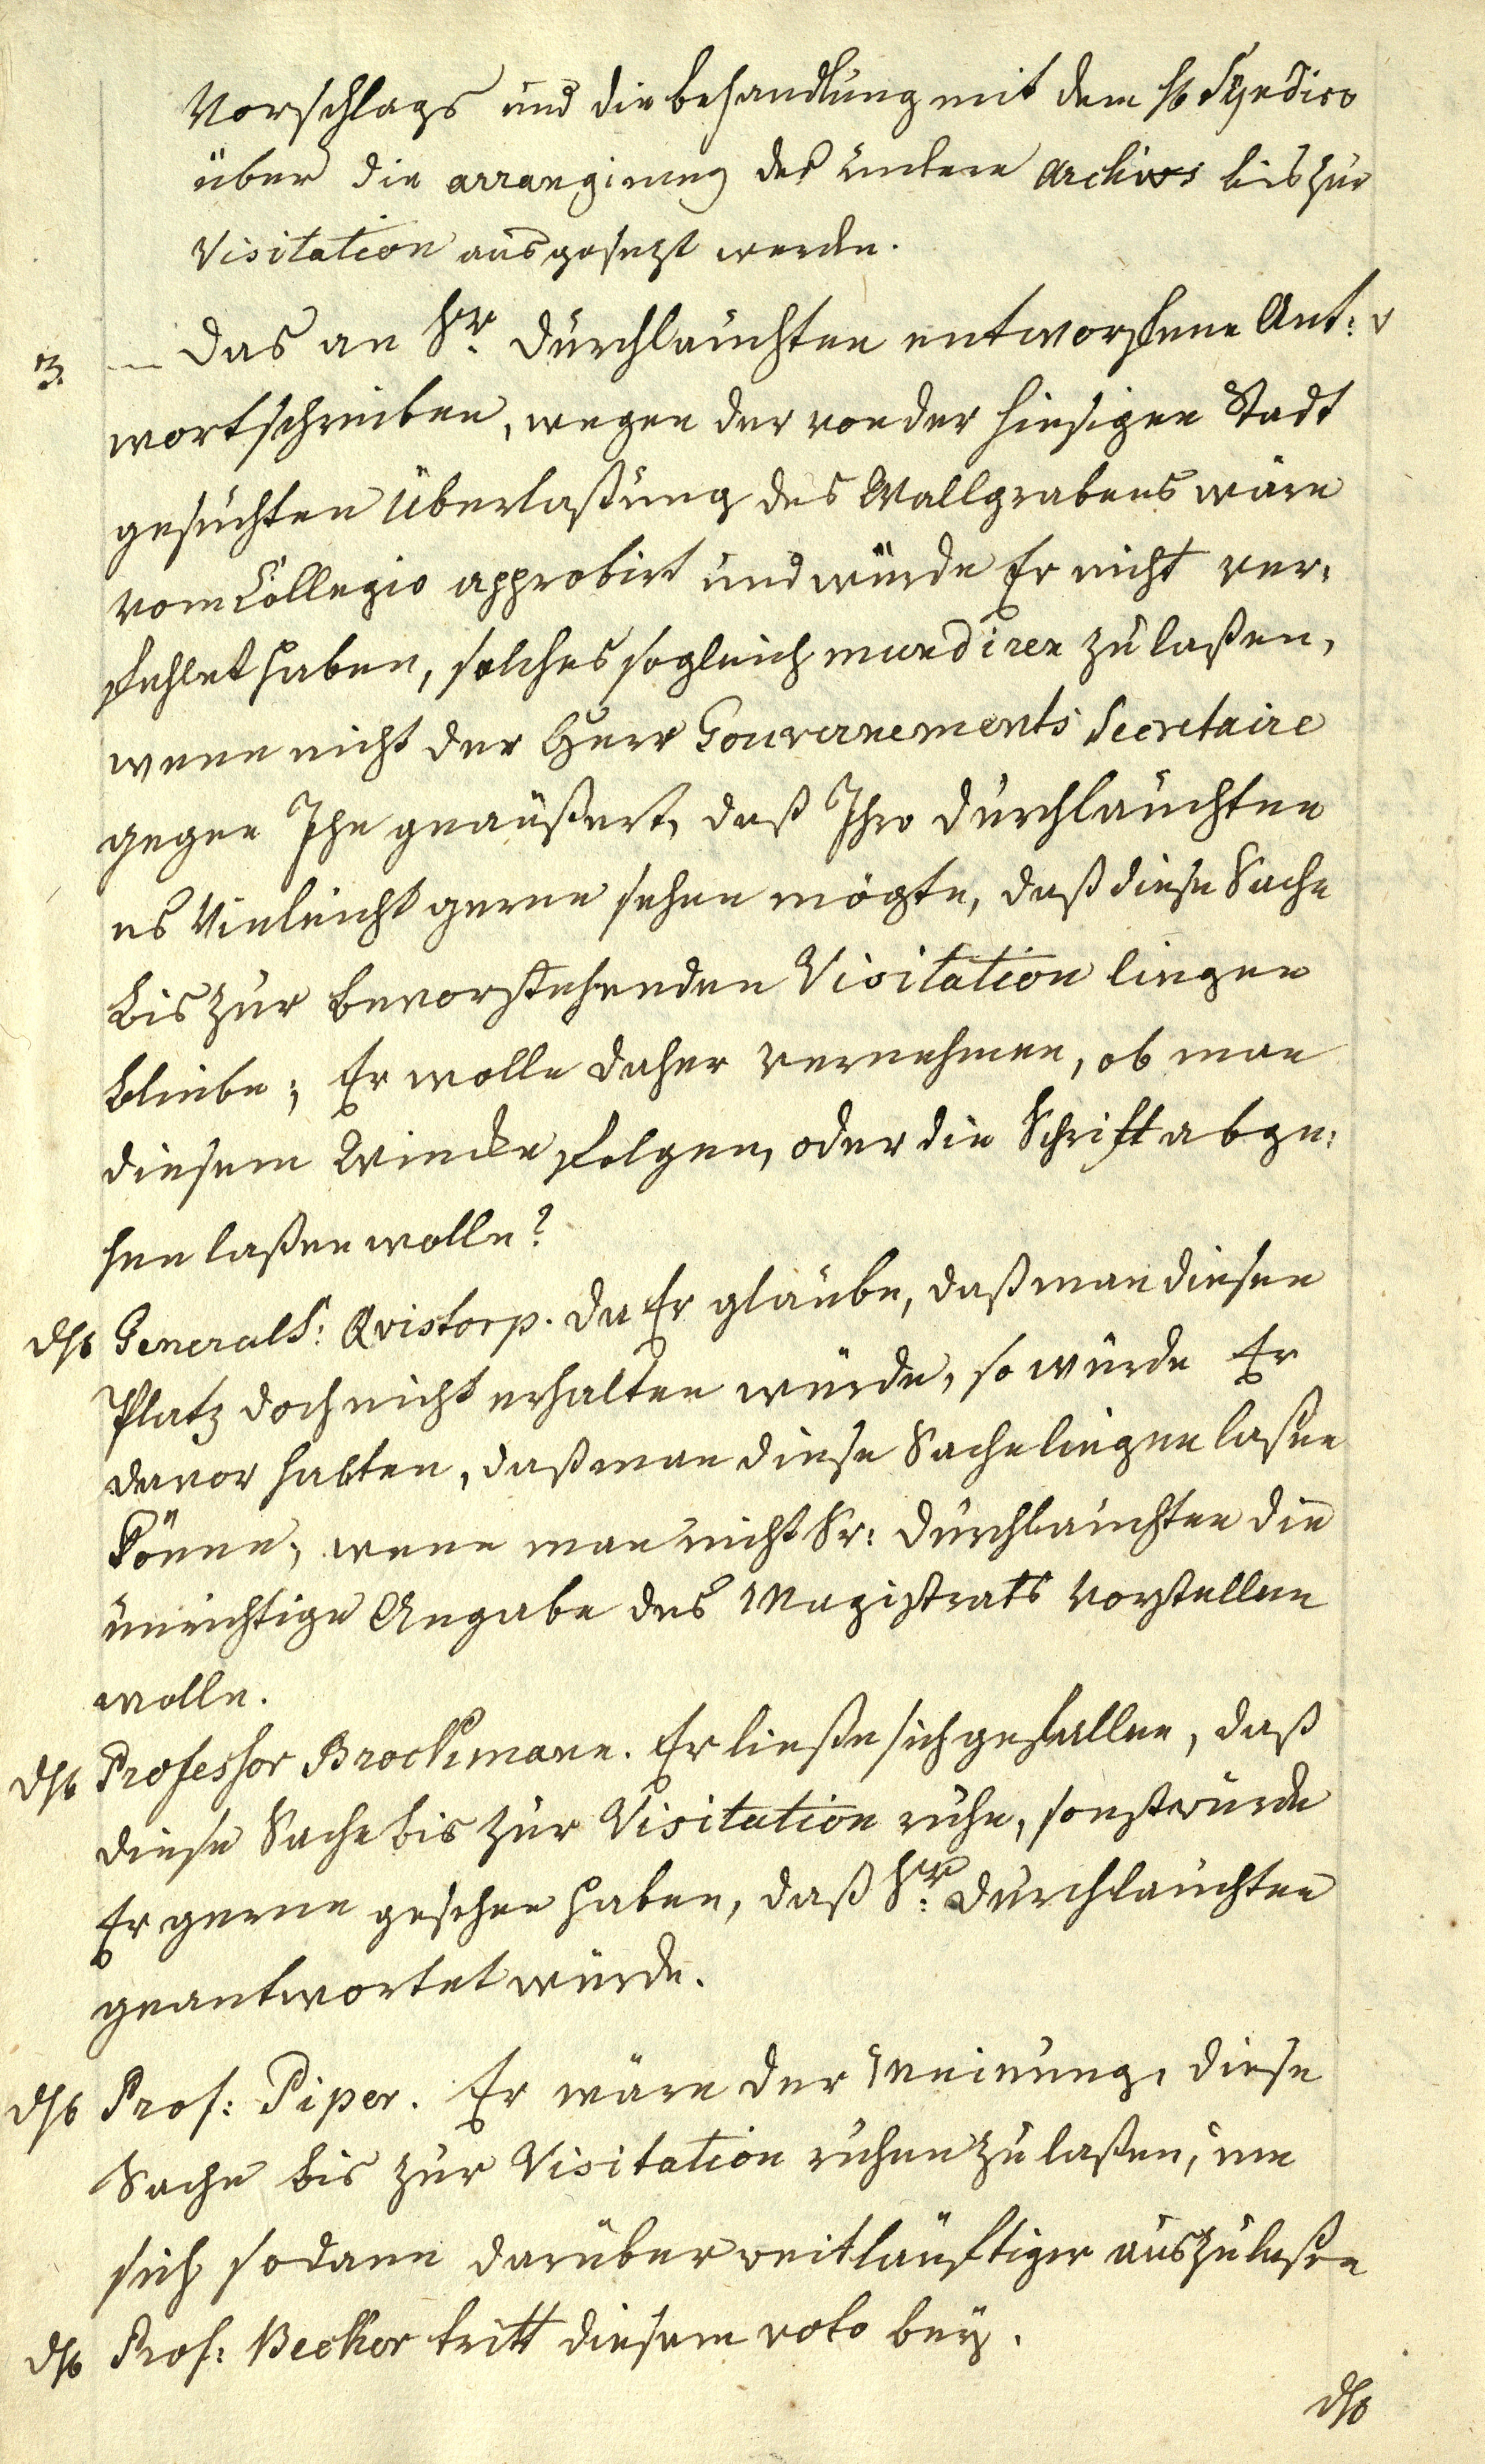Vorschlages und die Behandlung mit dem H Sÿndico
über die arrangirung der untern Archivs bis zur
Visitation aus gesezt werden.
3. Das an Sr Durchlauchten entworfene Ant¬
wortschreiben, wegen der von der hiesigen Stadt
gesuchten Überlaßung des Wallgrabens wäre
vom Collegio approbirt und würde Er nicht ver¬
fehlet haben, solches sogleich mundiren zu laßen,
wenn nicht der Herr Gouvernements Secretaire
gegen Ihn geäußert, daß Ihro Durchlauchten
es vieleicht gerne sehen mögte, daß diese Sache
bis zur bevorstehenden Visitation liegen
bleibe; Er wolle daher vernehmen, ob man
diesem Winke folgen, oder die Schrift abge¬
hen laßen wolle?
dh General. Quistorp. Da Er glaube, daß man diesen
Platz doch nicht erhalten würde, so würde Er
davor halten, daß man diese Sache liegen laßen
könne, wenn man nicht Sr Durchlauchten die
unrichtige Angabe des Magistrats vorstellen
wolle.
dh Professor Brockmann. Er ließe sich gefallen, daß
diese Sache bis zur Visitation ruhe, sonst würde
Er gerne gesehen haben, daß Sr Durchlauchten
geantwortet würde.
Prof. Piper. Er wäre der Meinung, diese
Sache bis zur Visitation ruhen zu laßen, um
sich sodann darüber weitläuftiger auszulaßen
dh Prof. Becker tritt diesem voto beÿ.
dh